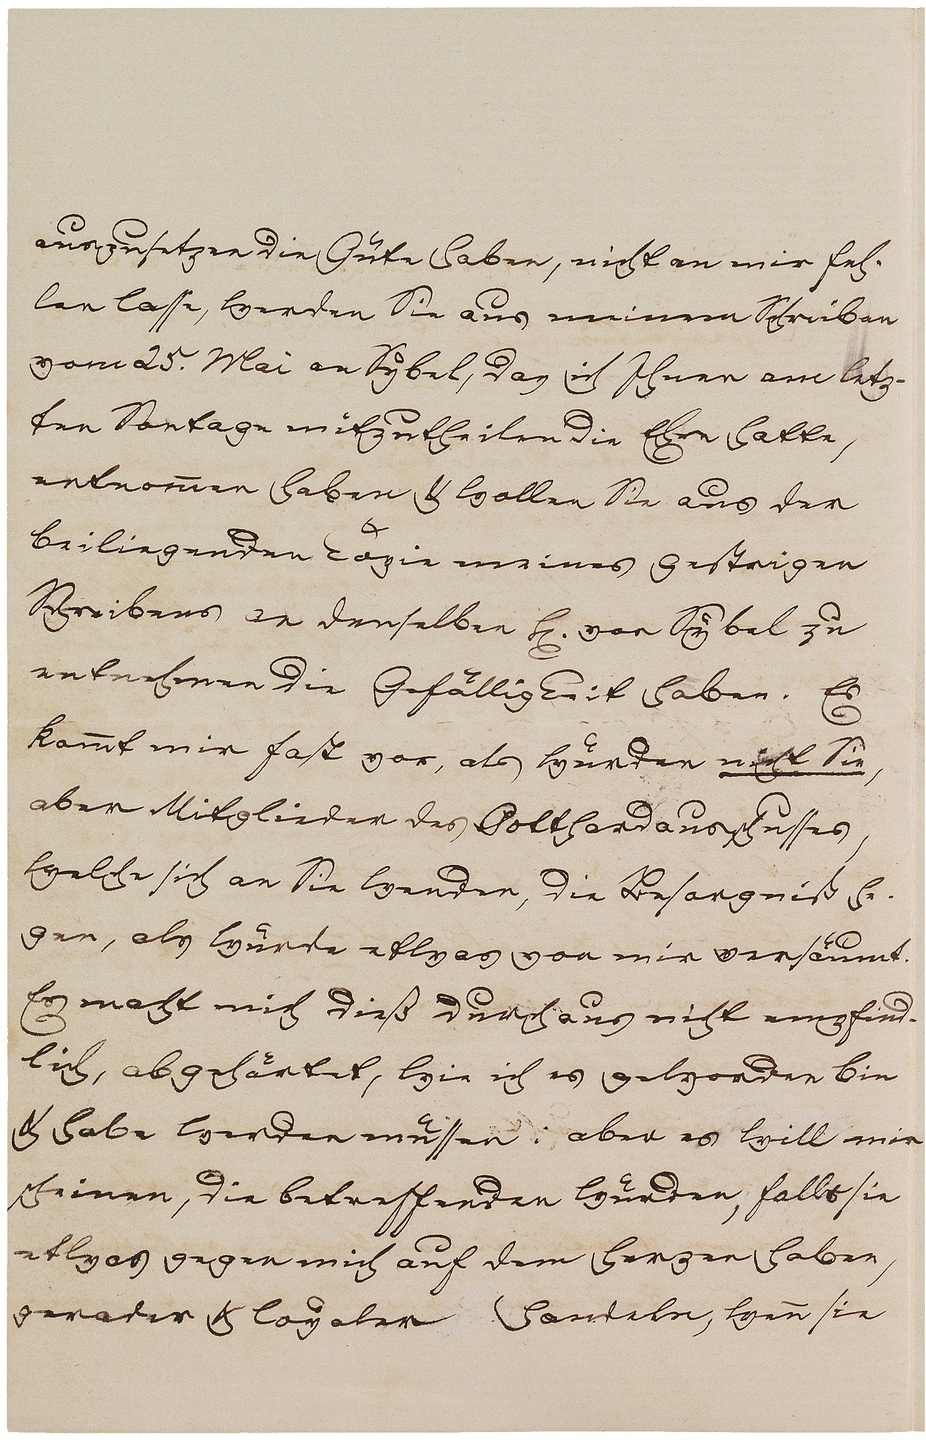auszusetzen die Güte haben, nicht an mir feh-
len lasse, werden Sie aus meinem Schreiben
vom 25. Mai an Sybel, das ich Ihnen am letz-
ten Sontage mitzutheilen die Ehre hatte,
entnommen haben & wollen Sie aus der
beiliegenden Copie meines gestrigen
Schreibens an denselben H. von Sybel zu
entnehmen die Gefälligkeit haben. Es
kommt mir fast vor, als würden nicht Sie,
aber Mitglieder des Gotthardausschusses,
welche sich an Sie wenden, die Besorgniß he-
gen, als würde etwas von mir versäumt.
Es macht mich dieß durchaus nicht empfind-
lich, abgehärtet, wie ich es geworden bin
& habe werden müssen: aber es will mir
scheinen, die Betreffenden würden, falls sie
etwas gegen mich auf dem Herzen haben,
gerader & loyaler handeln, wenn sie